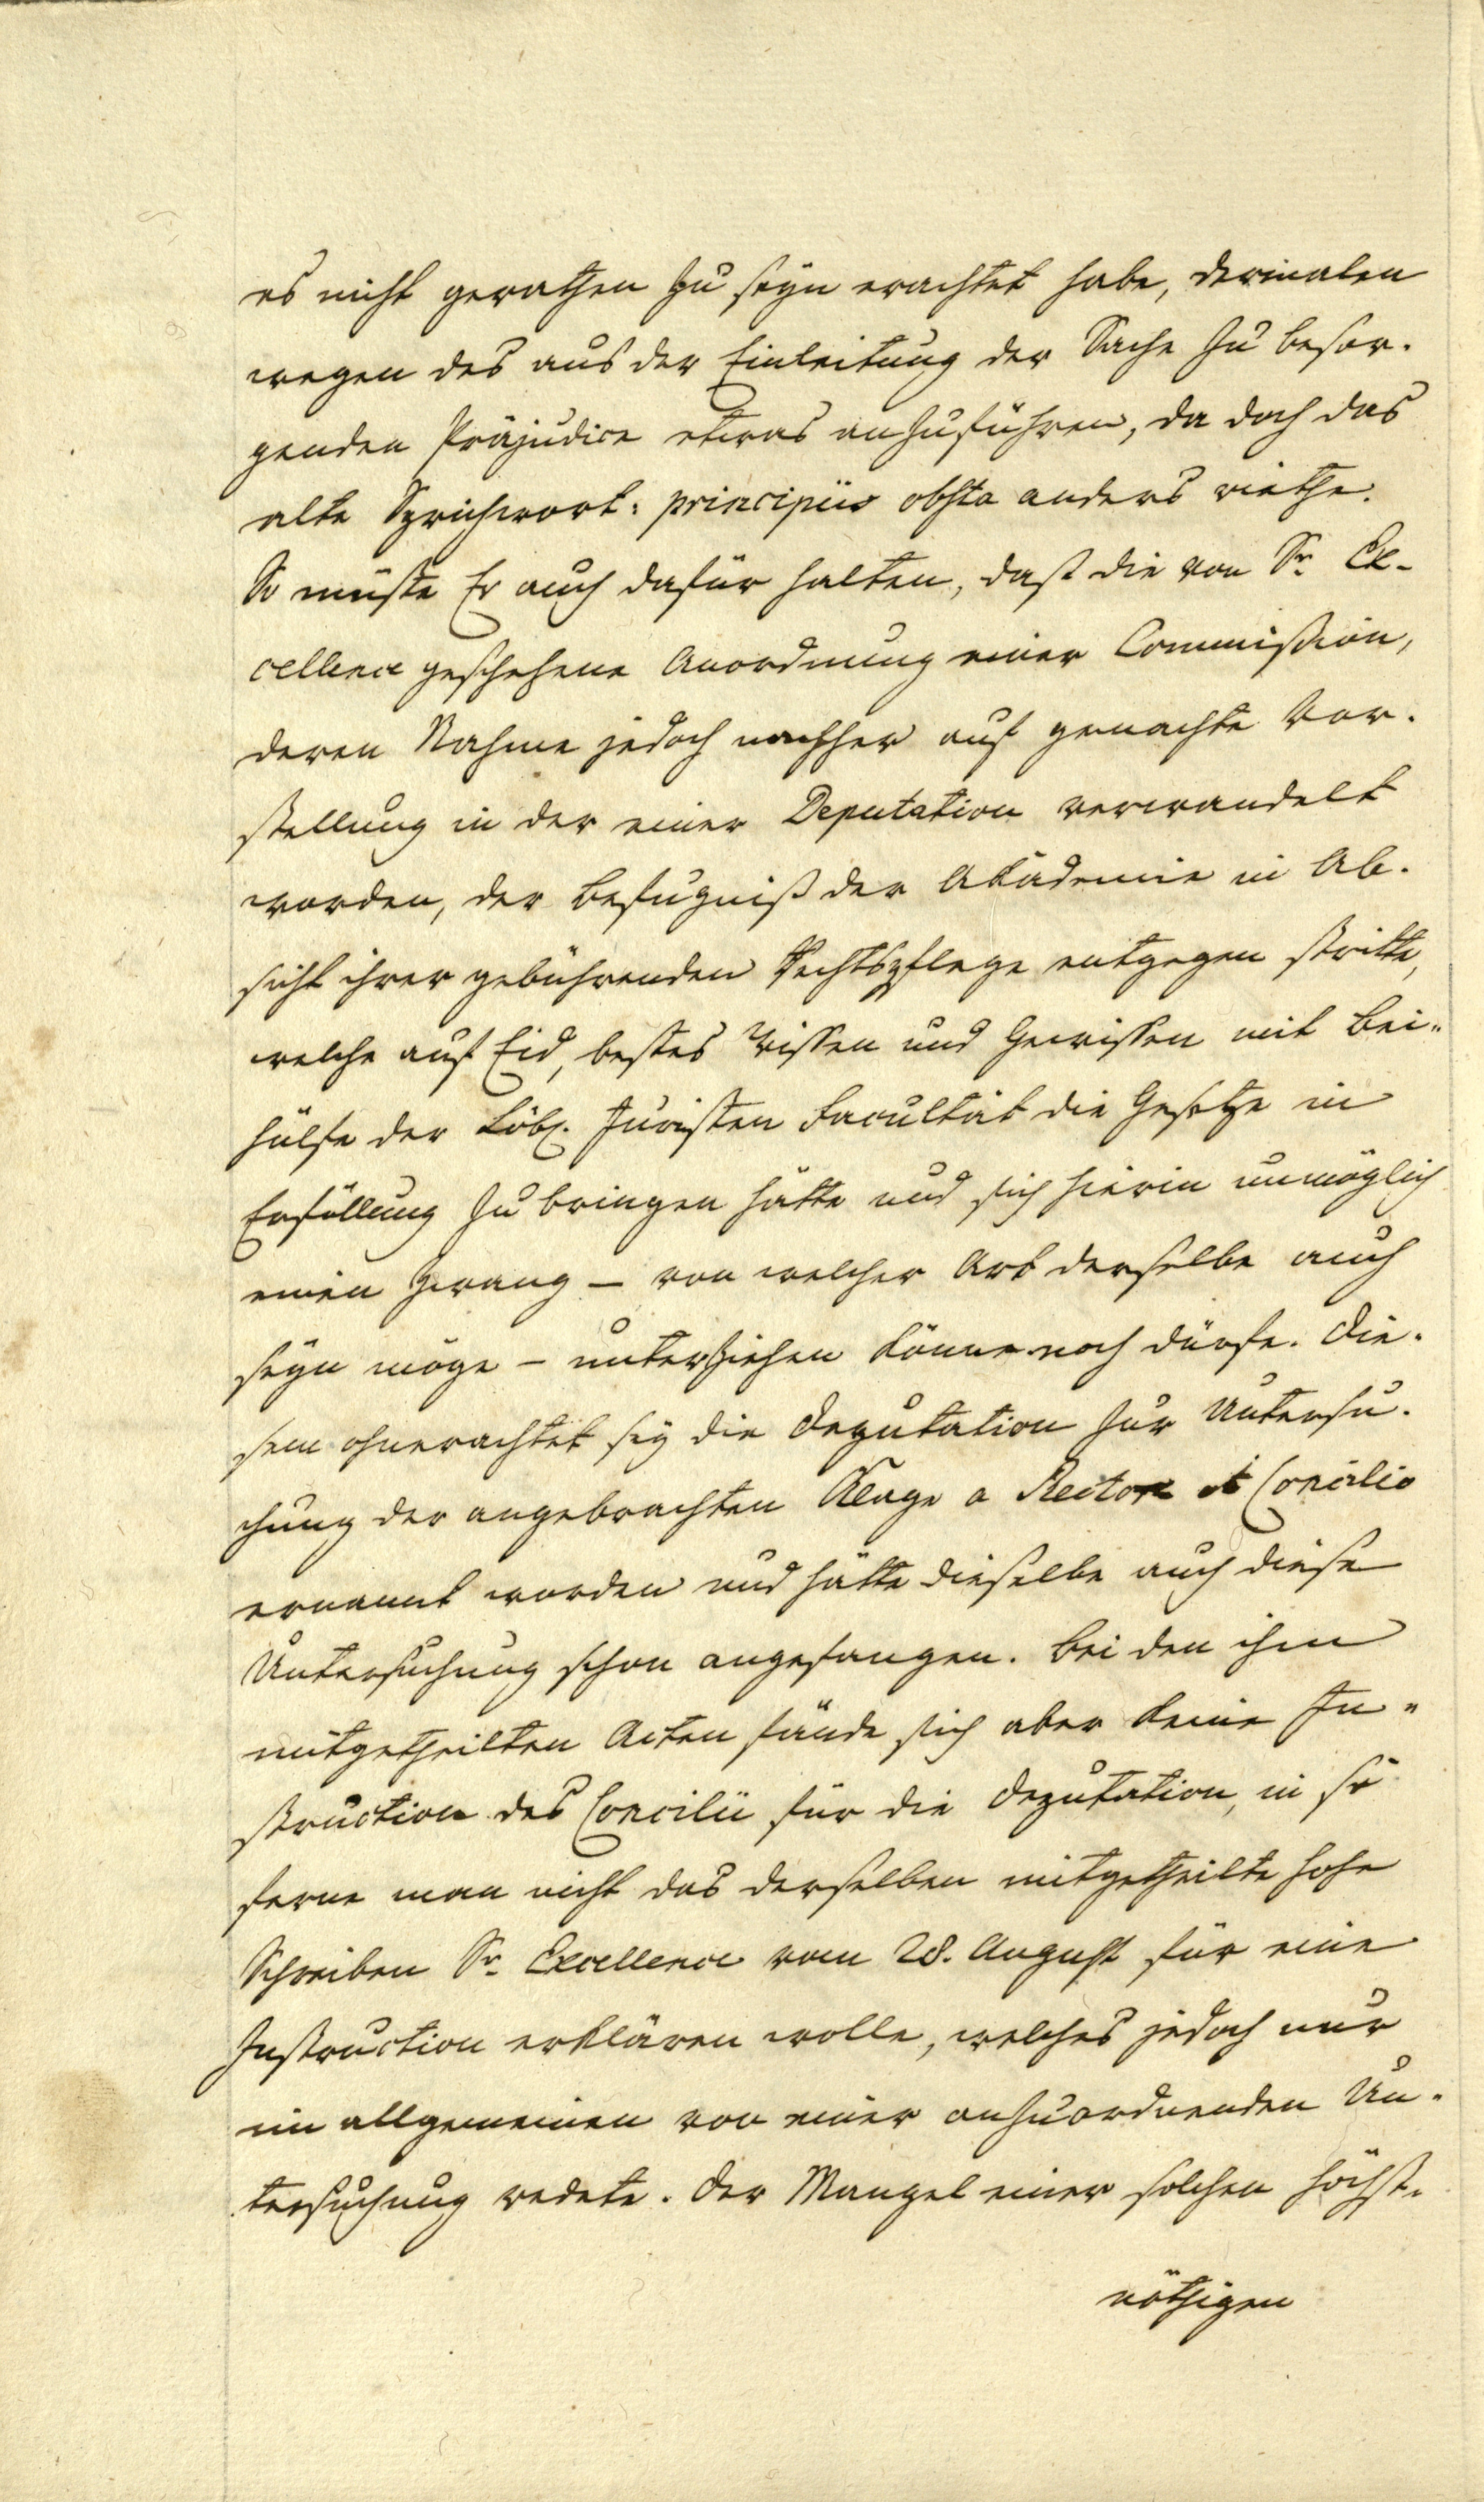es nicht gerathen zu seÿn erachtet habe, dermalen
wegen des aus der Einleitung der Sache zu besor¬
genden Präjudice etwas anzuführen, da doch das
alte Sprichwort: principiis obhta anders riethe:
So müßte Er auch dafür halten, daß die von Sr Ex¬
cellence geschehene Anordnung einer Commission,
deren Nahme jedoch nachher auf gemachte Vor¬
stellung in der einer Deputation verwandelt
worden, der Befugniß der Akademie in Ab¬
sicht ihrer gebührenden Rechtspflege entgegen stritte,
welche auf Eid, bestes Wissen und Gewissen mit Bei¬
hülfe der Löbl. Juristen Facultät die Gesetze in
Erfüllung zu bringen hätte und sich hierin unmöglich
einen Zwang - von welcher Art derselbe auch
seÿn möge - unterziehen könne noch dürfe. Die¬
sem ohnerachtet seÿ die Deputation zur Untersu¬
chung der angebrachten Klage a Rectore et Concilio
ernannt worden und hätte dieselbe auch diese
Untersuchung schon angefangen.Bbei den ihm
mitgetheilten Acten fände sich aber keine In¬
struction des Concilii für die Deputation, in so
ferne man nicht das derselben mitgetheilte hohe
Schreiben Sr Excellence vom 28. August für eine
Instruction erklären wolle, welches jedoch nur
im allgemeinen von einer anzuordnenden Un¬
tersuchung redete. Der Mangel einer solchen höchst¬
nöthigen